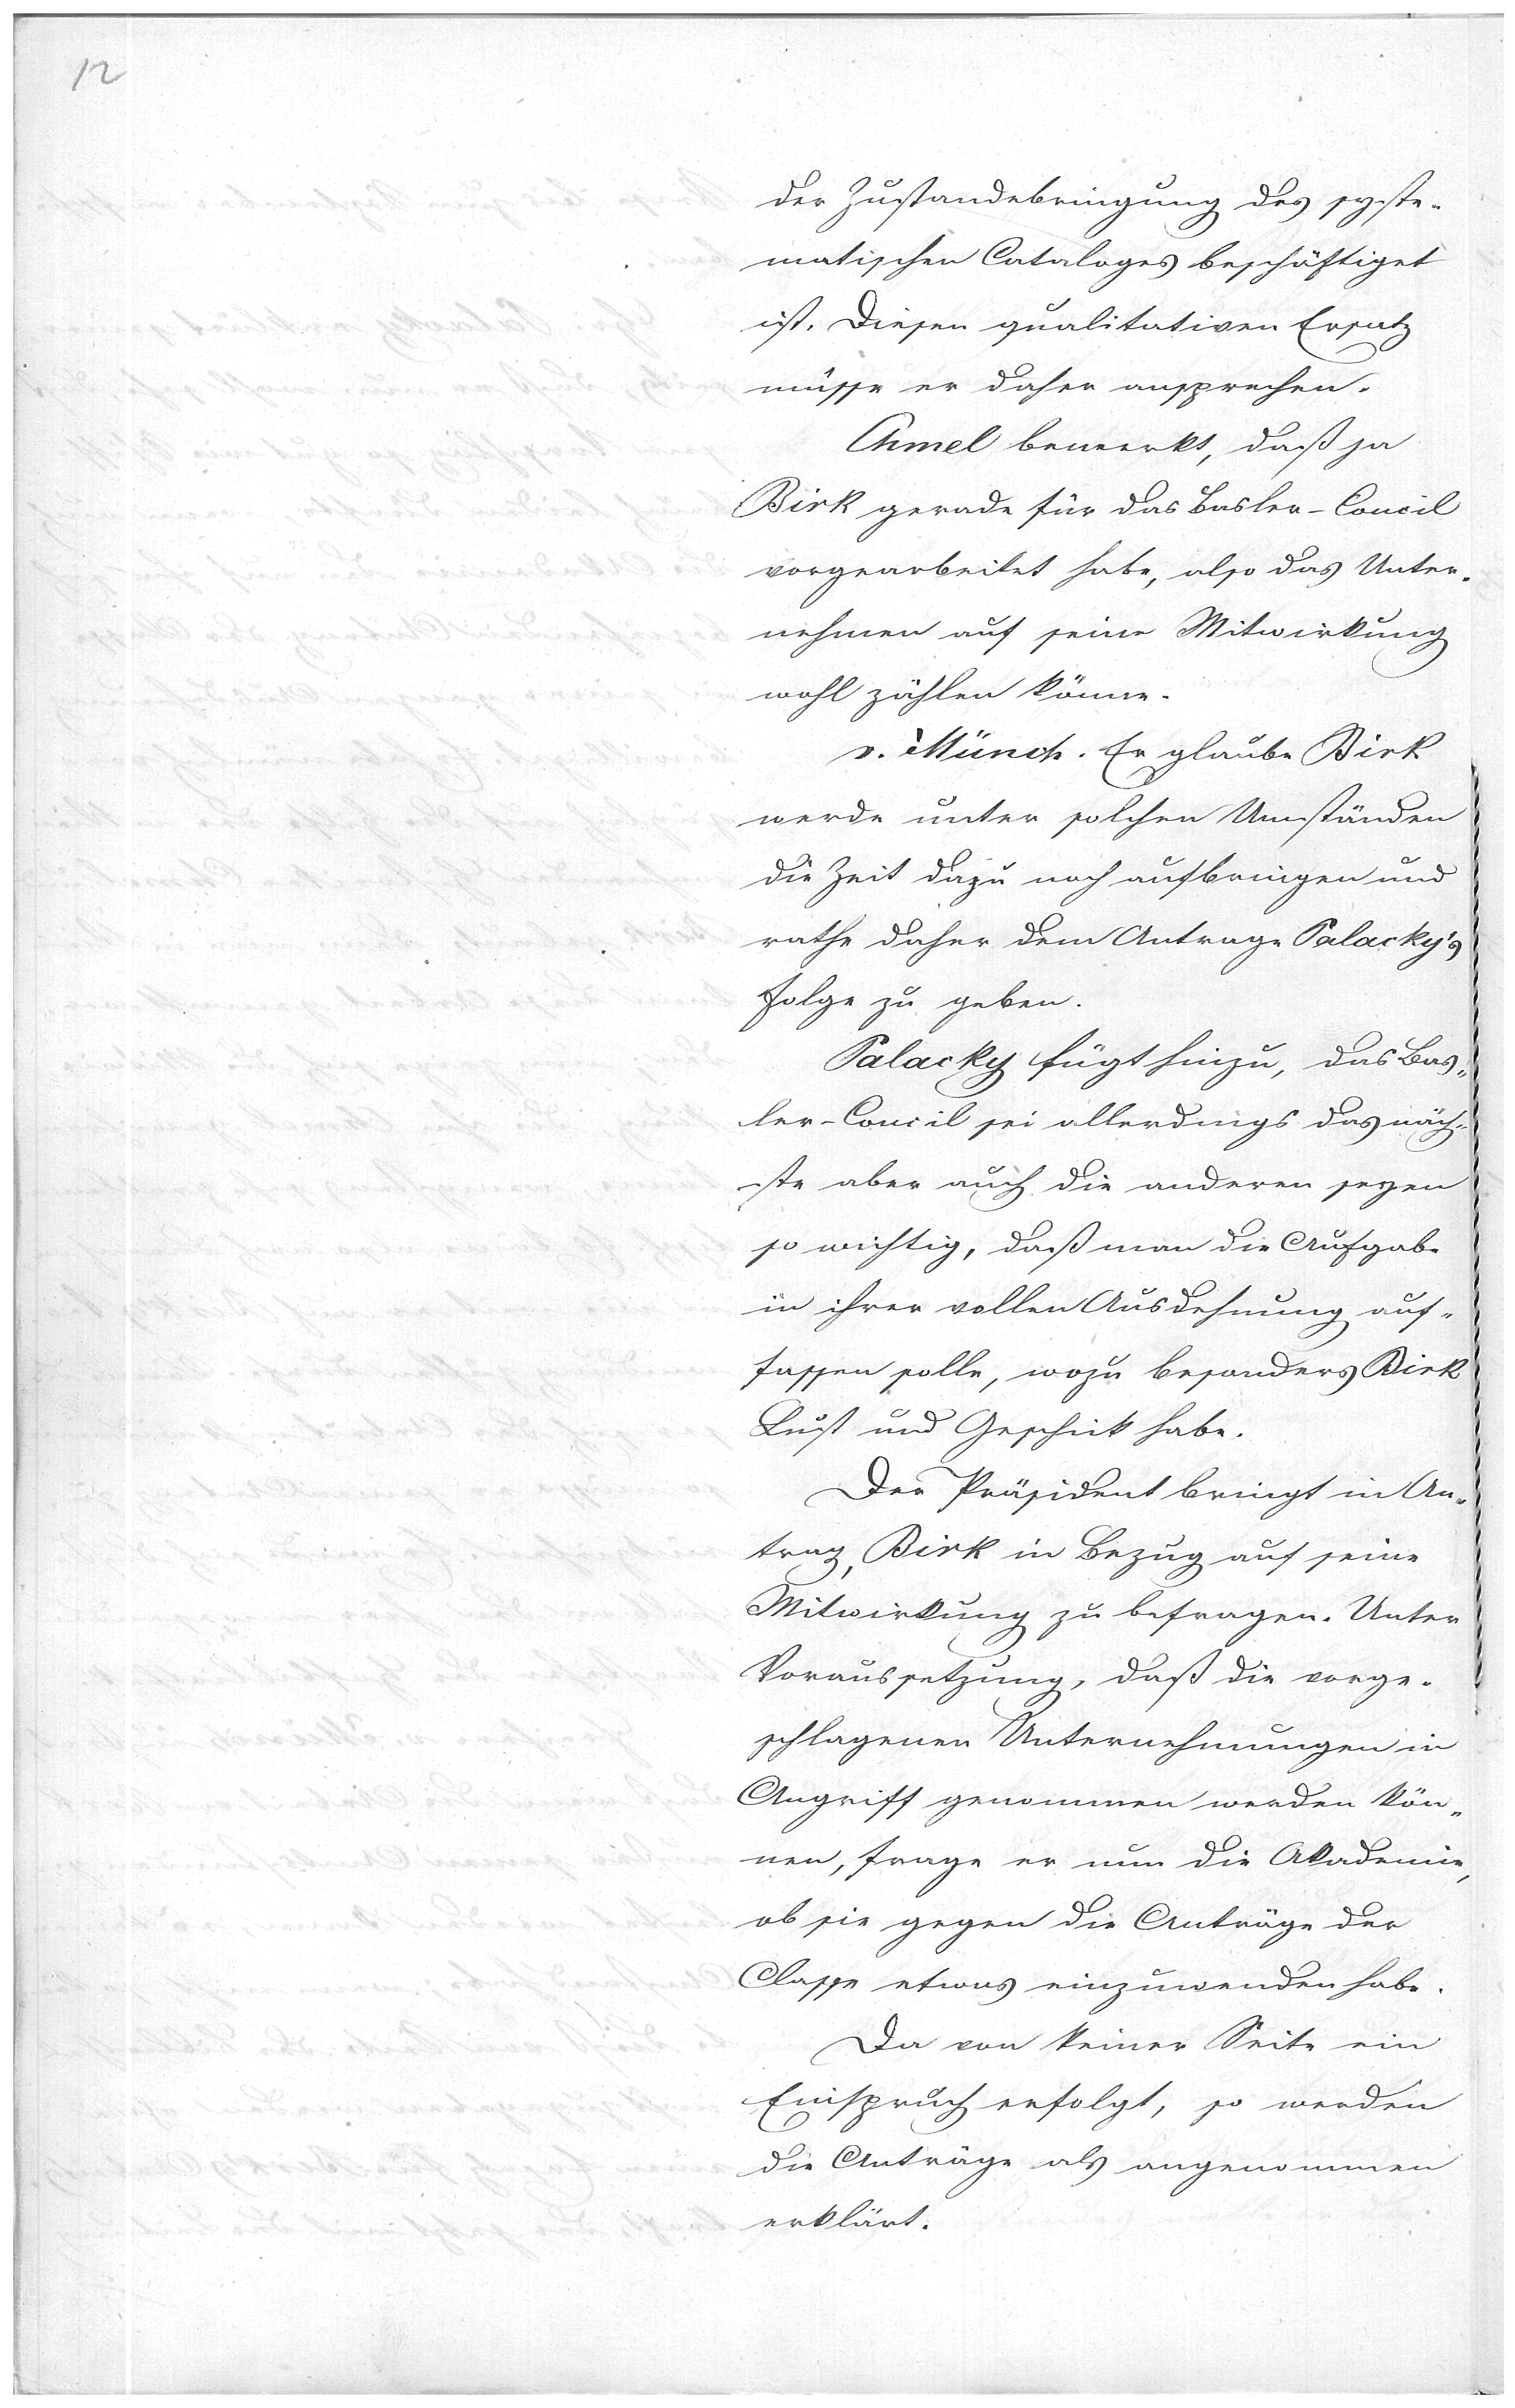der Zustandebringung des syste-
matischen Cataloges beschäftiget
ist. Diesen qualitativen Ersatz
müsse er daher ansprechen.
Chmel bemerkt, daß ja
Birk gerade für des Basler-Concil
vorgearbeitet habe, also das Unter-
nehmen auf seine Mitwirkung
wohl zählen könne.
v. Münch. Er glaube Birk
werde unter solchen Umständen
die Zeit dazu noch aufbringen und
rathe daher dem Antrage Palacky's
Folge zu geben.
Palacky fügt hinzu, das Bas-
ler-Concil sei allerdings das näch-
ste aber auch die anderen seyen
so wichtig, daß man die Aufgabe
in ihrer vollen Ausdehnung auf-
fassen solle, wozu besonders Birk
Lust und Geschick habe.
Der Präsident bringt in An-
trag, Birk in Bezug auf seine
Mitwirkung zu befragen. Unter
Voraussetzung, daß die vorge-
schlagenen Unternehmungen in
Angriff genommen werden kön-
nen, frage er nun die Akademie,
ob sie gegen die Anträge der
Classe etwas einzuwenden habe.
Da von keiner Seite ein
Einspruch erfolgt, so werden
die Anträge als angenommen
erklärt.